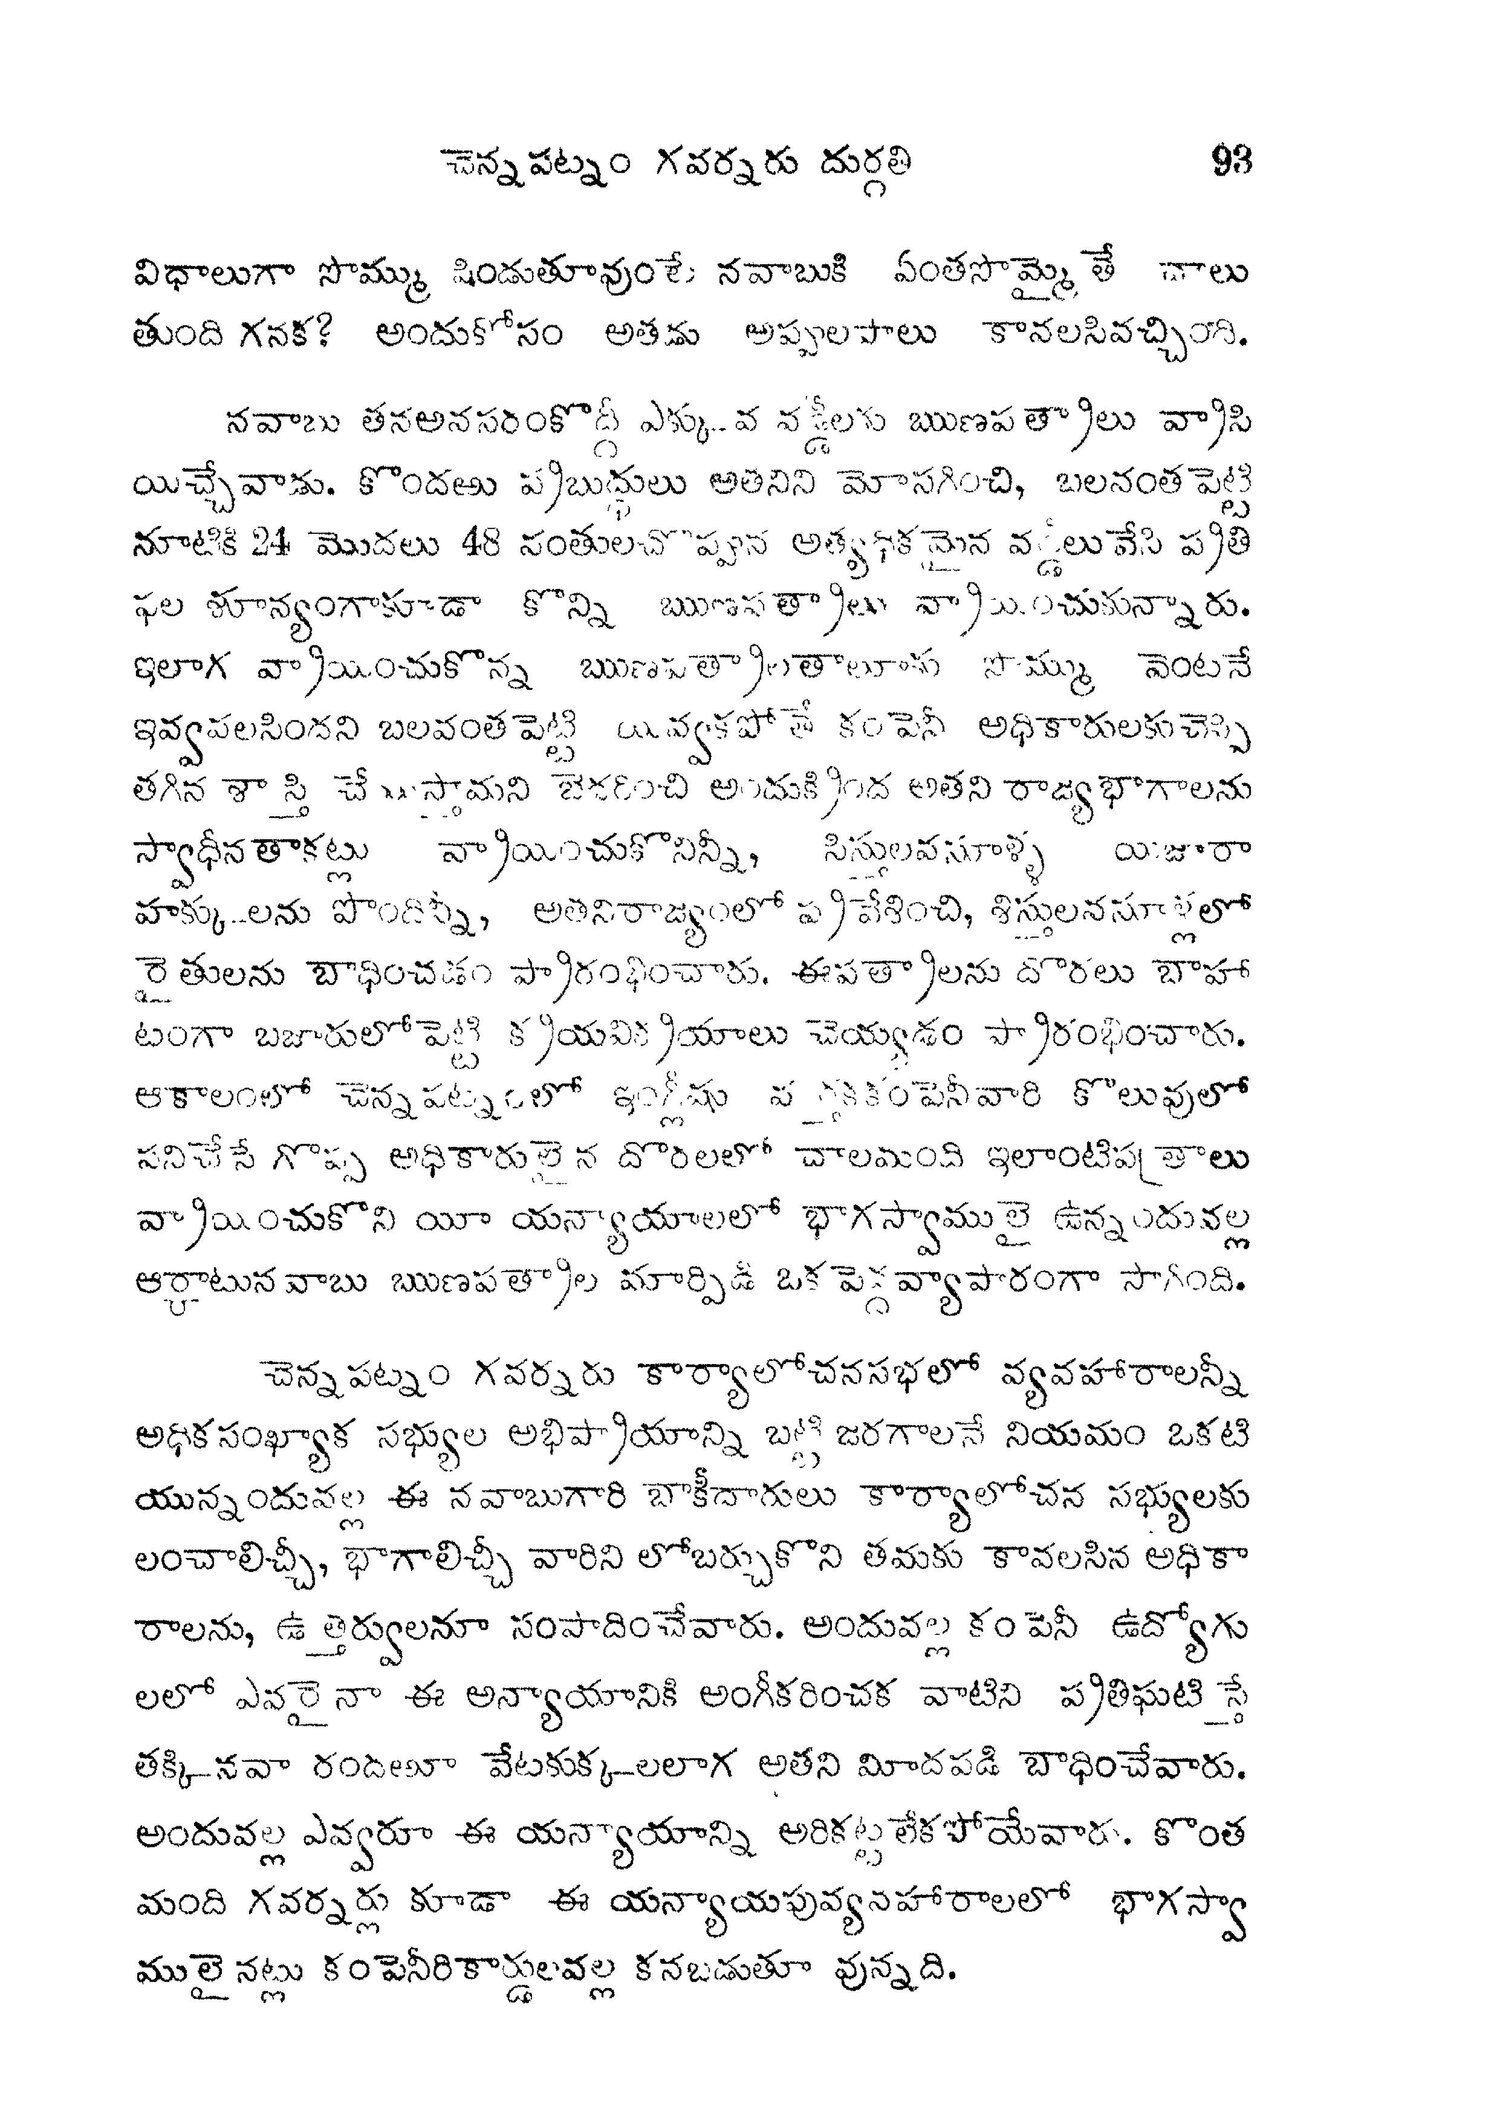విధాలుగా సొమ్ము పిండుతూవుంటే నవాబుకి ఎంతసొమ్మైతే చాలుతుంది గనక? అందుకోసం అతడు అప్పులపాలు కావలసివచ్చినది.

నవాబు తనవసరంకొద్దీ ఎక్కువ వడ్డీలకు ఋణపత్రాలు వ్రాసి యిచ్చేవాడు. కొందఱు ప్రబుద్ధులు అతనిని మోసగించి, బలవంతపెట్టి నూటికి 24 మొదలు 48 వంతుల చొప్పున అత్యధికమైన వడ్డీలువేసి ప్రతిఫల శూన్యంగాకూడా కొన్ని ఋణపత్రాలు వ్రాయించుకున్నారు. ఇలాగ వ్రాయించుకొన్న ఋణపత్రాల తాలూకు సొమ్ము వెంటనే ఇవ్వవలసిందని బలవంతపెట్టి యివ్వకపోతే కంపెనీ అధికారులకుచెప్పి తగిన శాస్తి చేయిస్తామని బెదరించి అందుక్రింద అతని రాజ్యభాగాలను స్వాధీనతాకట్లు వ్రాయించుకొనిన్నీ, సిస్తులవసూళ్ళ యిజారా హక్కులను పొందిన్నీ, అతనిరాజ్యంలో ప్రవేశించి, శిస్తులవసూళ్లలో రైతులను బాధించడం ప్రారంభించారు. ఈపత్రాలను దొరలు బాహాటంగా బజారులోపెట్టి క్రయ విక్రయాలు చెయ్యడం ప్రారంభించారు. ఆ కాలంలో చెన్నపట్నంలో ఇంగ్లీషు వర్తక కంపెనీవారి కొలువులో పనిచేసే గొప్ప అధికారులైన దొరలలో చాలమంది ఇలాంటి పత్రాలు వ్రాయించుకొని యీ యన్యాయాలలో భాగస్వాములై ఉన్నందువల్ల ఆర్కాటునవాబు ఋణపత్రాల మార్పిడి ఒక పెద్దవ్యాపారంగా సాగింది.

చెన్నపట్నం గవర్నరు కార్యాలోచనసభలో వ్యవహారాలన్నీ అధికసంఖ్యాక సభ్యుల అభిప్రాయాన్ని బట్టి జరగాలనే నియమం ఒకటి యున్నందువల్ల ఈ నవాబుగారి బాకీదారులు కార్యాలోచన సభ్యులకు లంచాలిచ్చీ, భాగాలిచ్చీ వారిని లోబర్చుకొని తమకు కావలసిన అధికారాలను, ఉత్తర్వులనూ సంపాదించేవారు. అందువల్ల కంపెనీ ఉద్యోగులలో ఎవరైనా ఈ అన్యాయానికి అంగీకరించక వాటిని ప్రతిఘటిస్తే తక్కినవారందఱూ వేటకుక్కలలాగ అతనిమీదపడి బాధించేవారు. అందువల్ల ఎవ్వరూ ఈ యన్యాయాన్ని అరికట్టలేకపోయేవారు. కొంత మంది గవర్నర్లు కూడా ఈ యన్యాయపువ్యవహారాలలో భాగస్వాములైనట్లు కంపెనీరికార్డులవల్ల కనబడుతూ వున్నది.